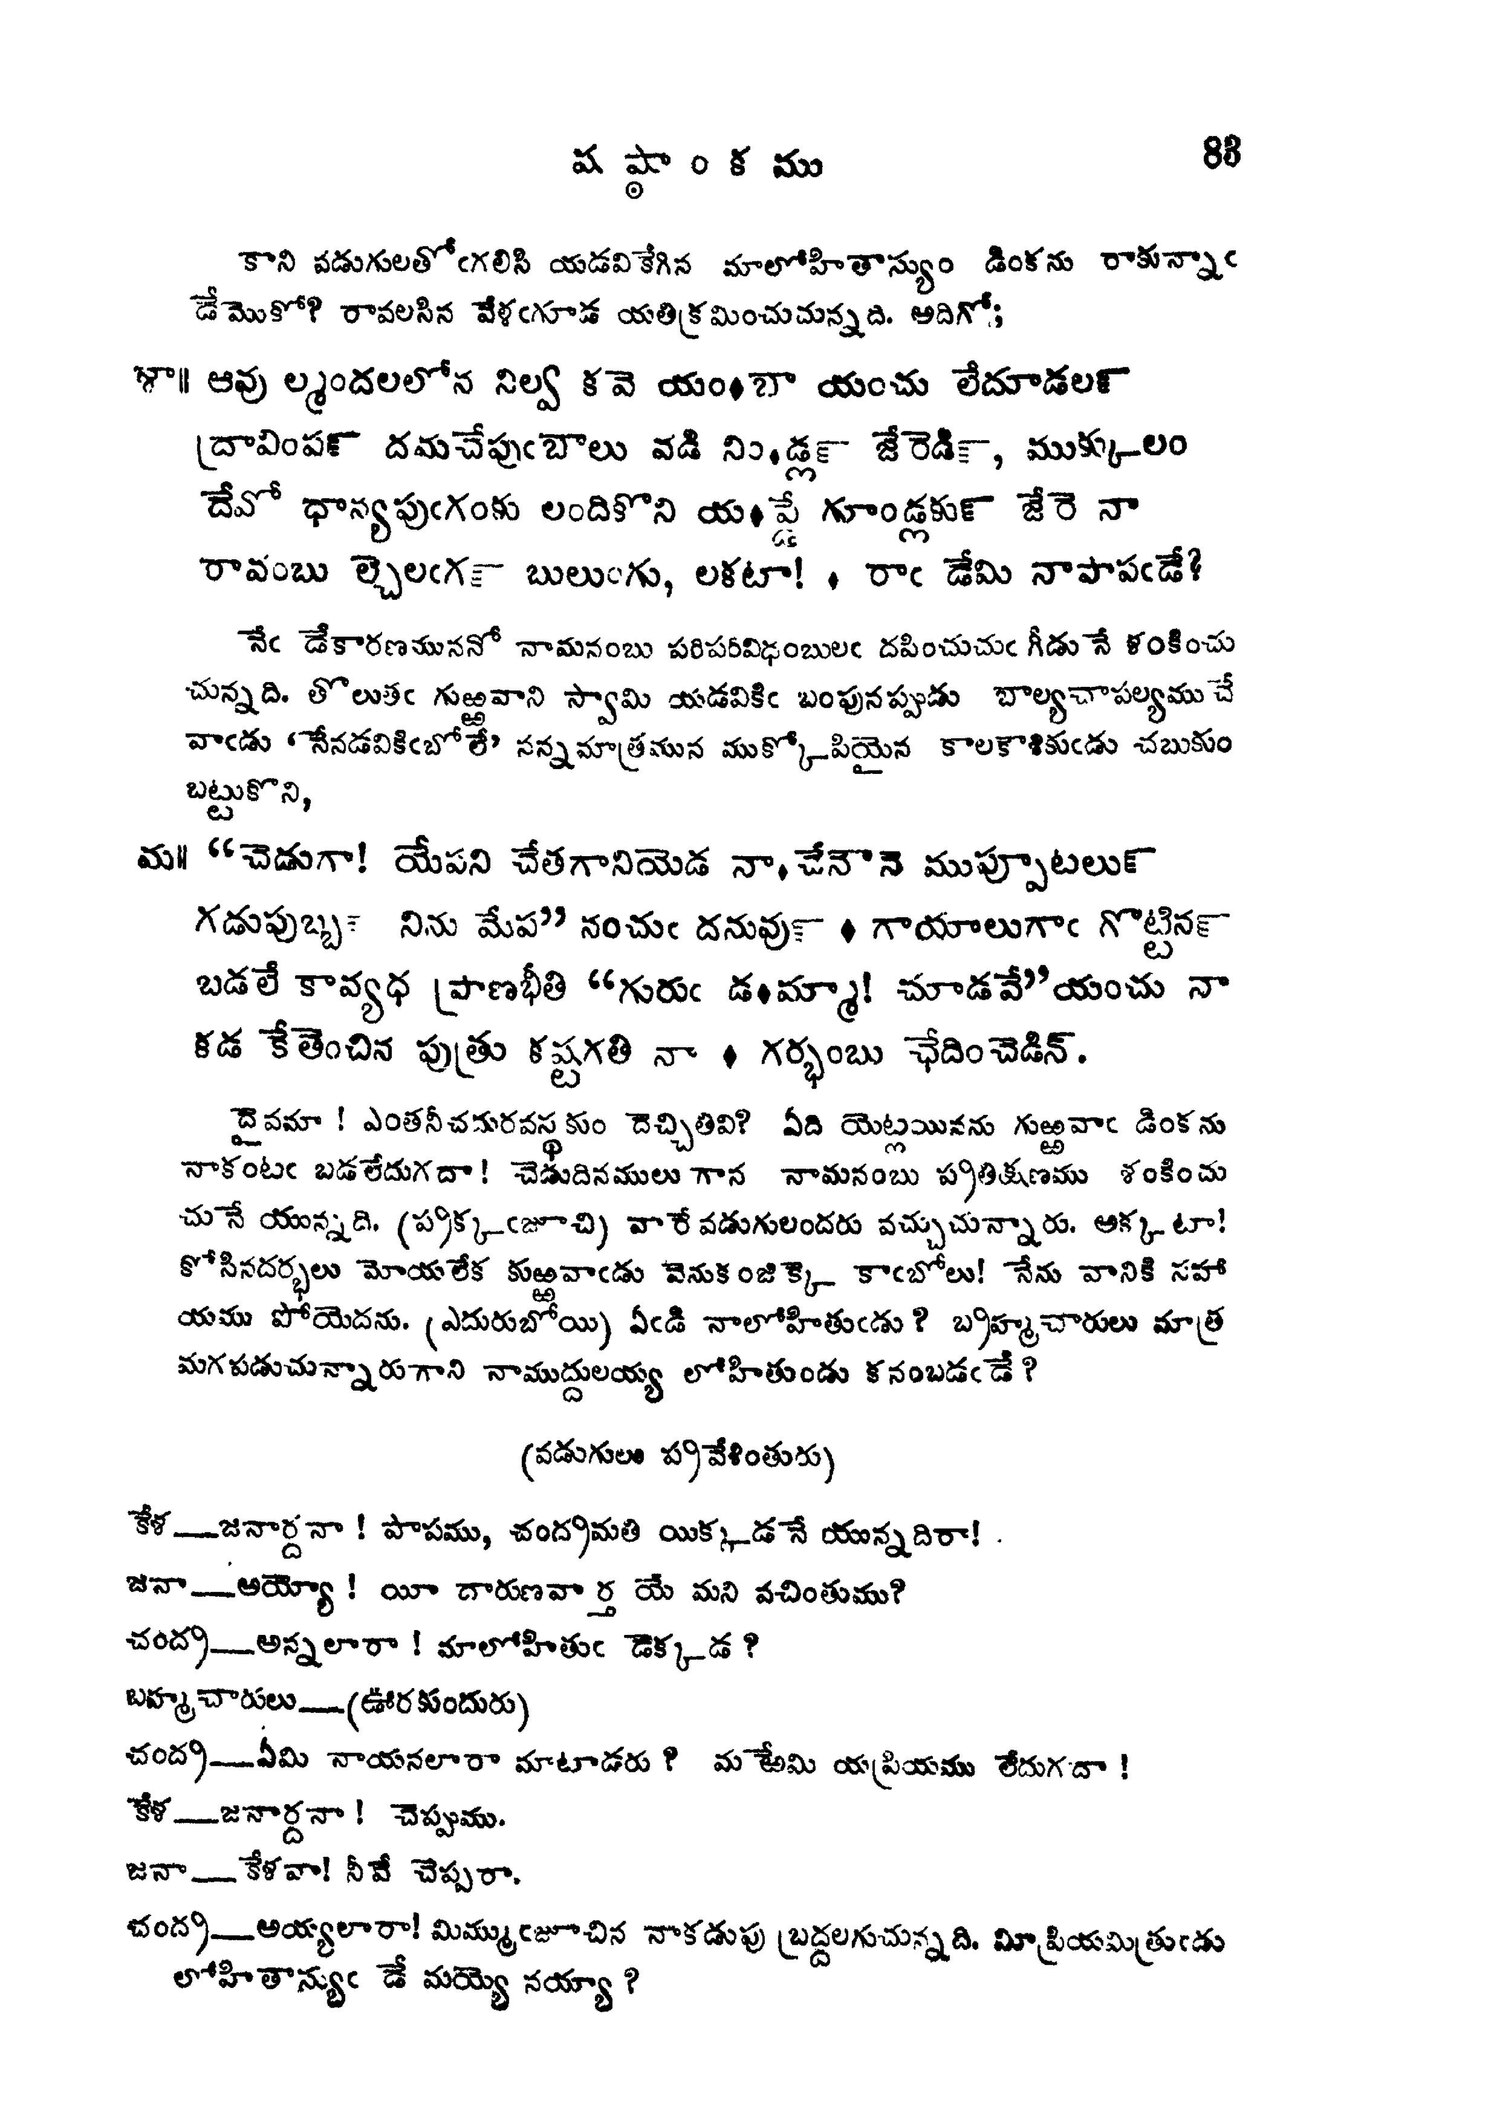కాని వడుగులతోఁ గలసి యడవి కేగిన మా లోహితాస్యుం డింకను
రాకున్నాఁ డేమొకో? రావలసిన వేళ గూడ యతిక్రమించుచున్నది. అదిగో,

శా. 	ఆవు ల్మందలలోన నిల్వకయె యంబాయంచు లేదూడలన్‌
ద్రావింపన్‌ దమచేఁపు బాలు వడి నిండ్లన్‌ జేరెడిన్‌ ముక్కలం
దేవో ధాన్యపుఁ గంకు లందికొని యప్డే గూండ్లకున్‌ జేరెనా
రావంబు ల్చెలంగన్‌ బులుంగు లకటా! రాడేఁమి నా పాపఁడే.

నేఁ డేకారణంబుననో నామనంబు పరిపరివిధముల దపించుచుఁ గీడునే శంకించు చున్నది. తొలుతఁ కుఱ్ఱవానిని స్వామి యడవికిఁ బంపునప్పుడు బాల్యచాపల్యముచే వాఁడు "నే నడవికిం బోలే" నన్నమాత్రమున ముక్కోపియైన
కాలకౌశికుఁడు చబుకుం బట్టుకొని,

మ. 	"చెడుగాఁ యేపని చేతగానియెడ నాచే నౌనె ముప్పూటలున్‌
గడుపుబ్బ న్నిను మేప?" నంచుఁ దనువున్‌ గాయాలుగాఁ గొట్టినన్‌
బడలేకా వ్యధఁ బ్రాణభీతి "గనుడమ్మా! చూడవే" యంచు నా
కడకేతెంచిన పుత్రు కష్టగతి నా గర్భంబు ఛేదించెడిన్‌.

దైవమా! ఎంత నీచ దురవస్థకుం దెచ్చితివి. ఏది యెట్లయినను గుఱ్ఱవాఁ డింకను నాకంట బడలేదు కదా! చెడుదినములుగాన నామనంబు ప్రతిక్షణము శంకించుచునే యున్నది. (ప్రక్క జూచి) వారే వడుగులందఱు వచ్చుచున్నారు. అక్కటా! కోసిన దర్భలు మోయలేక కుఱ్ఱవాడు వెనుకం జిక్కె కాఁబోలు! నేను వానికి సహాయము పోయెదను. (ఎదురుపోయి) ఏఁడి నా లోహితుఁడు? బ్రహ్మచారులు మాత్రము గనపడుచున్నారు గాని నా ముద్దులయ్య లోహితుండు కనంబడఁడే?

(వడుగులు ప్రవేశింతురు)

కేశ -	జనార్దనా! పాపము చంద్రమతి ఇక్కడనే యున్నదిరా?

జనా - 	అయ్యో! ఈ దారుణవార్త యేమని వచింతుము?

చంద్ర - 	అన్నలారా! మా లోహితుఁడెక్కడ?

బ్రహ్మచారులు - (ఊరకుందురు.)

చంద్ర - 	ఏమి నాయనలారా? మాటాడరు? మఱేమి యప్రియము లేదు కదా?

కేశ -	జనార్దనా! చెప్పుము.

జనా - 	నీవే చెప్పరా.

చంద్ర - 	అయ్యలారా! మిమ్ముఁ జూచిన నా కడుపు బ్రద్దలగుచున్నది. మీ ప్రియ మిత్రుడు లోహితాస్యు డేమయ్యెనయ్యా!